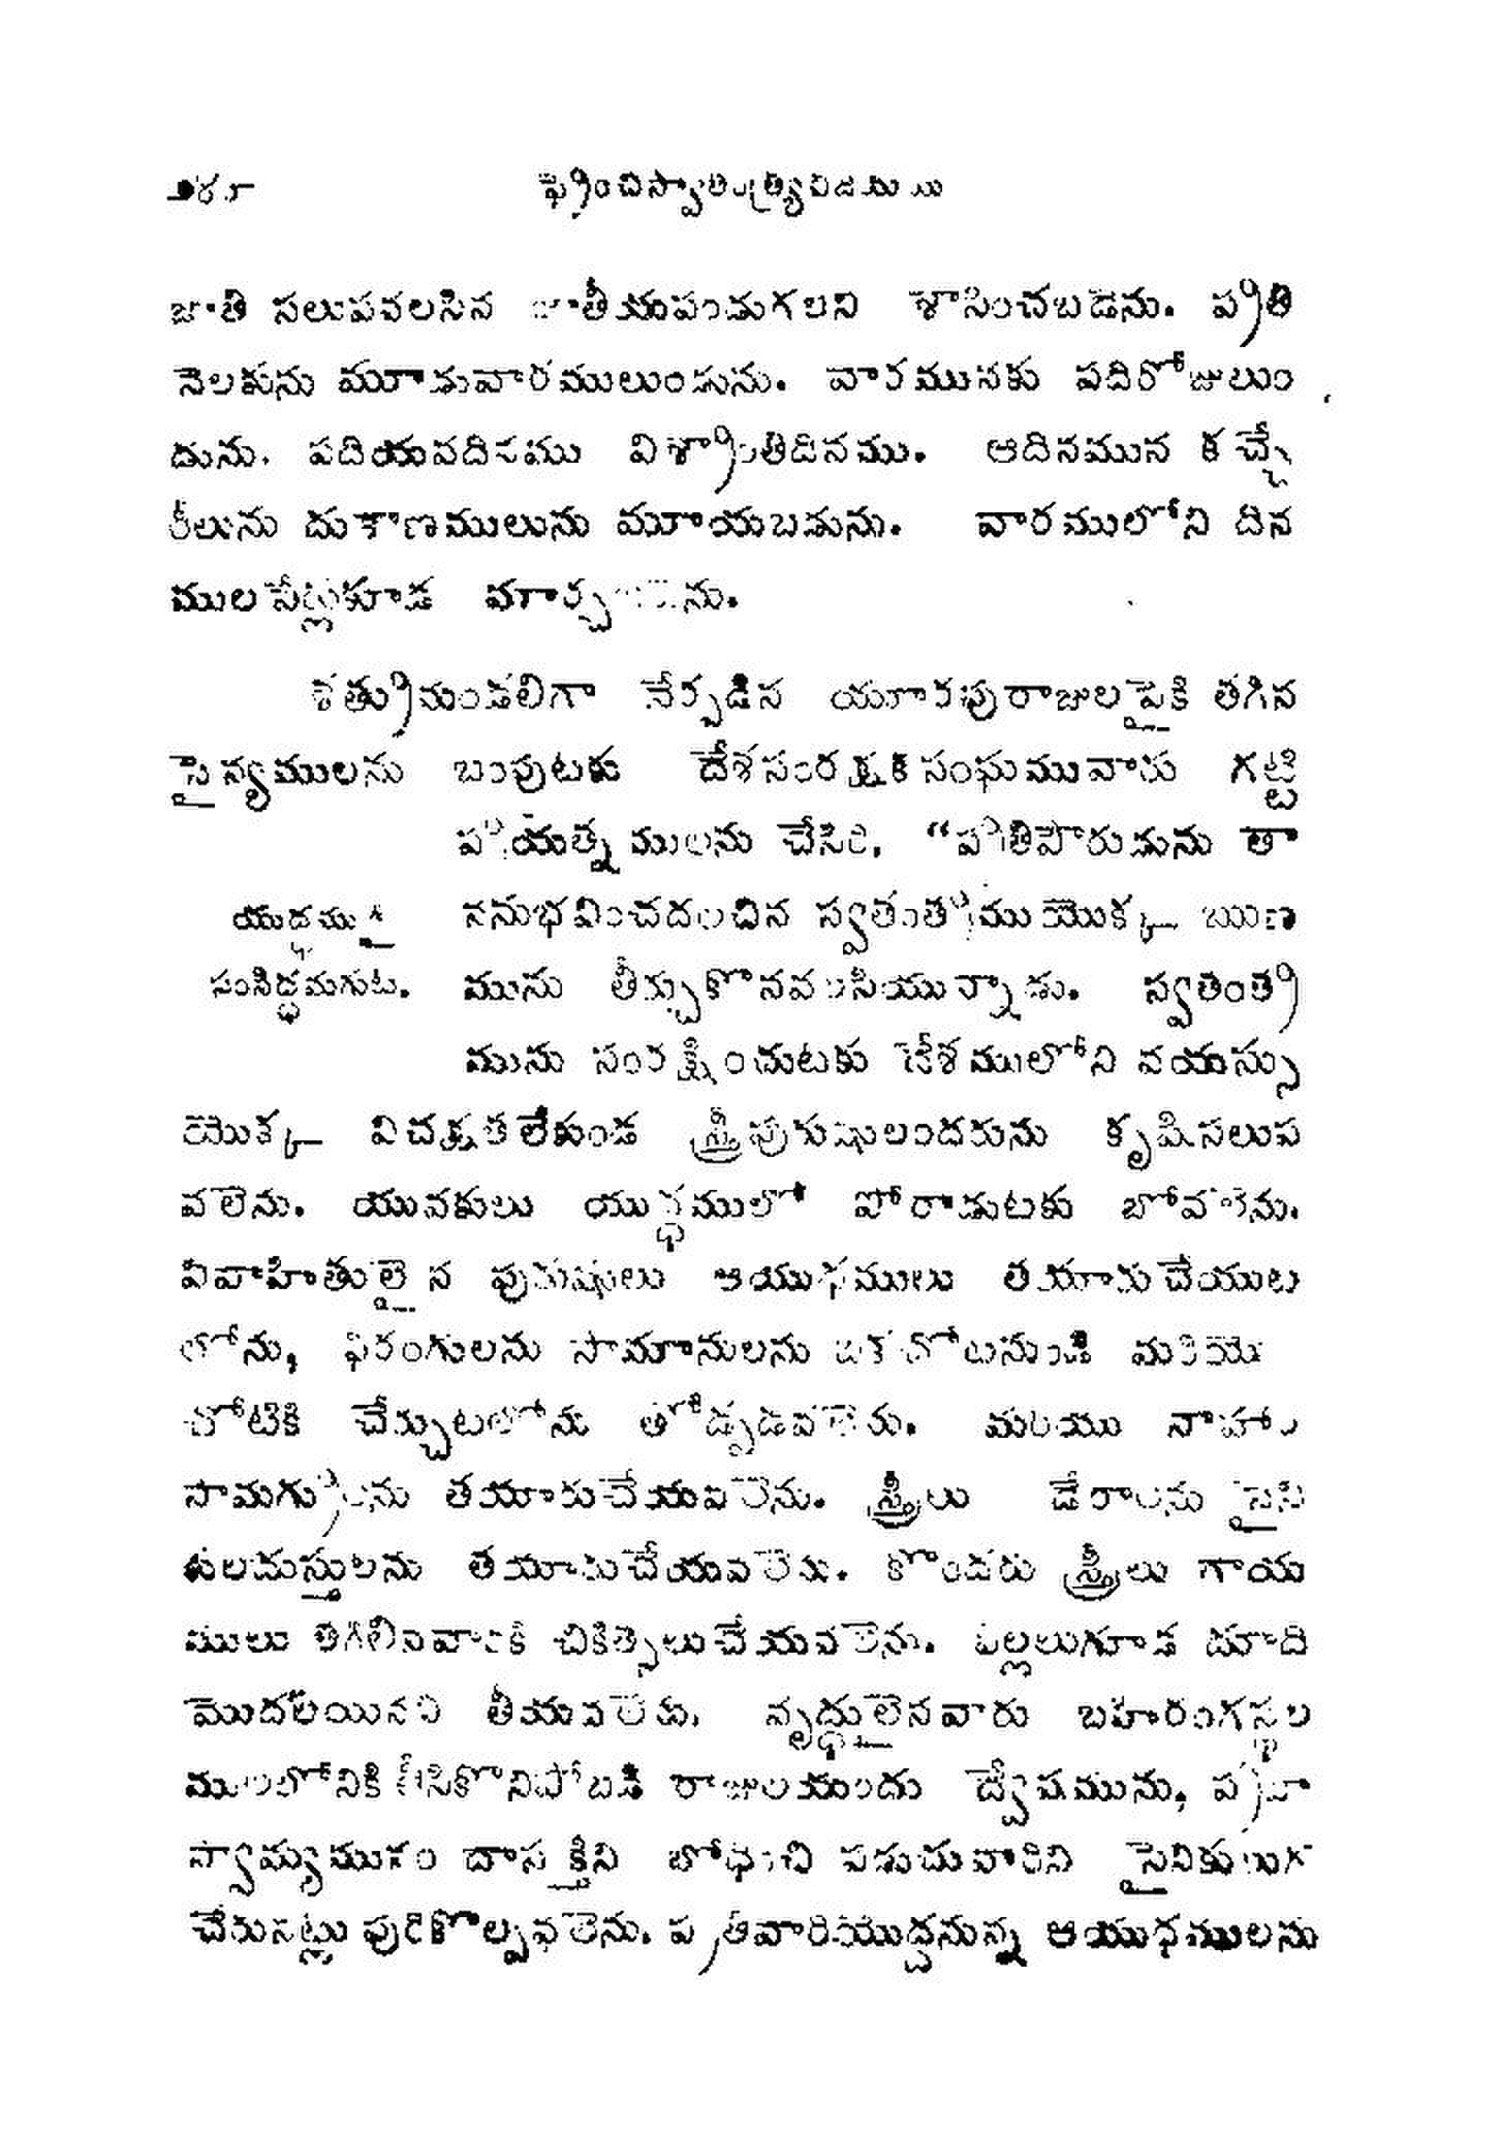జాతి సలుప వలసిన జాతీయపండుగలని శాసించబడెను. ప్రతి
నెలకును మూడు వారములుండును. వారము నకు పదిరోజులుం
డును. పదియవదినము విశ్రాంతి దినము. ఆదినమున కచ్చే
రీలును దుకాణములును మూయబడును. వారములోని దిన
ముల పేర్లు కూడ మార్చుబను.

యుద్ధముకై
సంసిద్ధమగుట,

శత్రుమండలిగా నేర్పడిన యూరపు రాజుల పైకి తగిన
సైన్యములను బంపుటకు దేశ సంరక్షక సంఘము వారు గట్టి
ప్రయత్నములను చేసిరి, “ప్రతి పౌరుడును తా
సనుభవించదలచిన స్వతంతరము యొక్క రుణ
మును తీర్చుకొనవలసి -యున్నాడు. స్వతంత్ర
మును సంరక్షించుటకు దేశములోని వయస్సు
యొక్క విచక్షత లేకుండ స్త్రీ పురుషులందరును కృషిసలుప
వలెను. యువకులు యుద్ధములో పోరాడుటకు బోవలెను.
వివాహితులైన పురుషులు ఆయుధములు తయారు చేయుట
ను, ఫిరంగులను సామానులను ఒక చోటునుండి మరియెక
చోటికి చేర్చుటలోను తోడ్పడివలెను. మరియు నాహార
సామగ్రులను తయారు చేయవలెను. స్త్రీలు డేరాలను 
సైనిక దుస్తులను తయారు చేయవలెమ. కొందరు స్త్రీలు గాయ
ములు తగిలిన వారికి చికిత్సలు చేయవలెను. పిల్లలుగూడ దూది
మొదలయినవి తీయవలెను, వృద్ధులైన వారు బహిరంగ స్థలముల
లోనికి తీసికొనిపోబడి రాజులయందు ద్వేషమును, ప్రజా
స్వామ్య ముసం దాసక్తిని బోధించి పడుచు వారిని సైనికులుగా
చేరునట్లు పురికొల్పవలెను. ప్రతివారి యుద్దనున్న ఆయుధములను